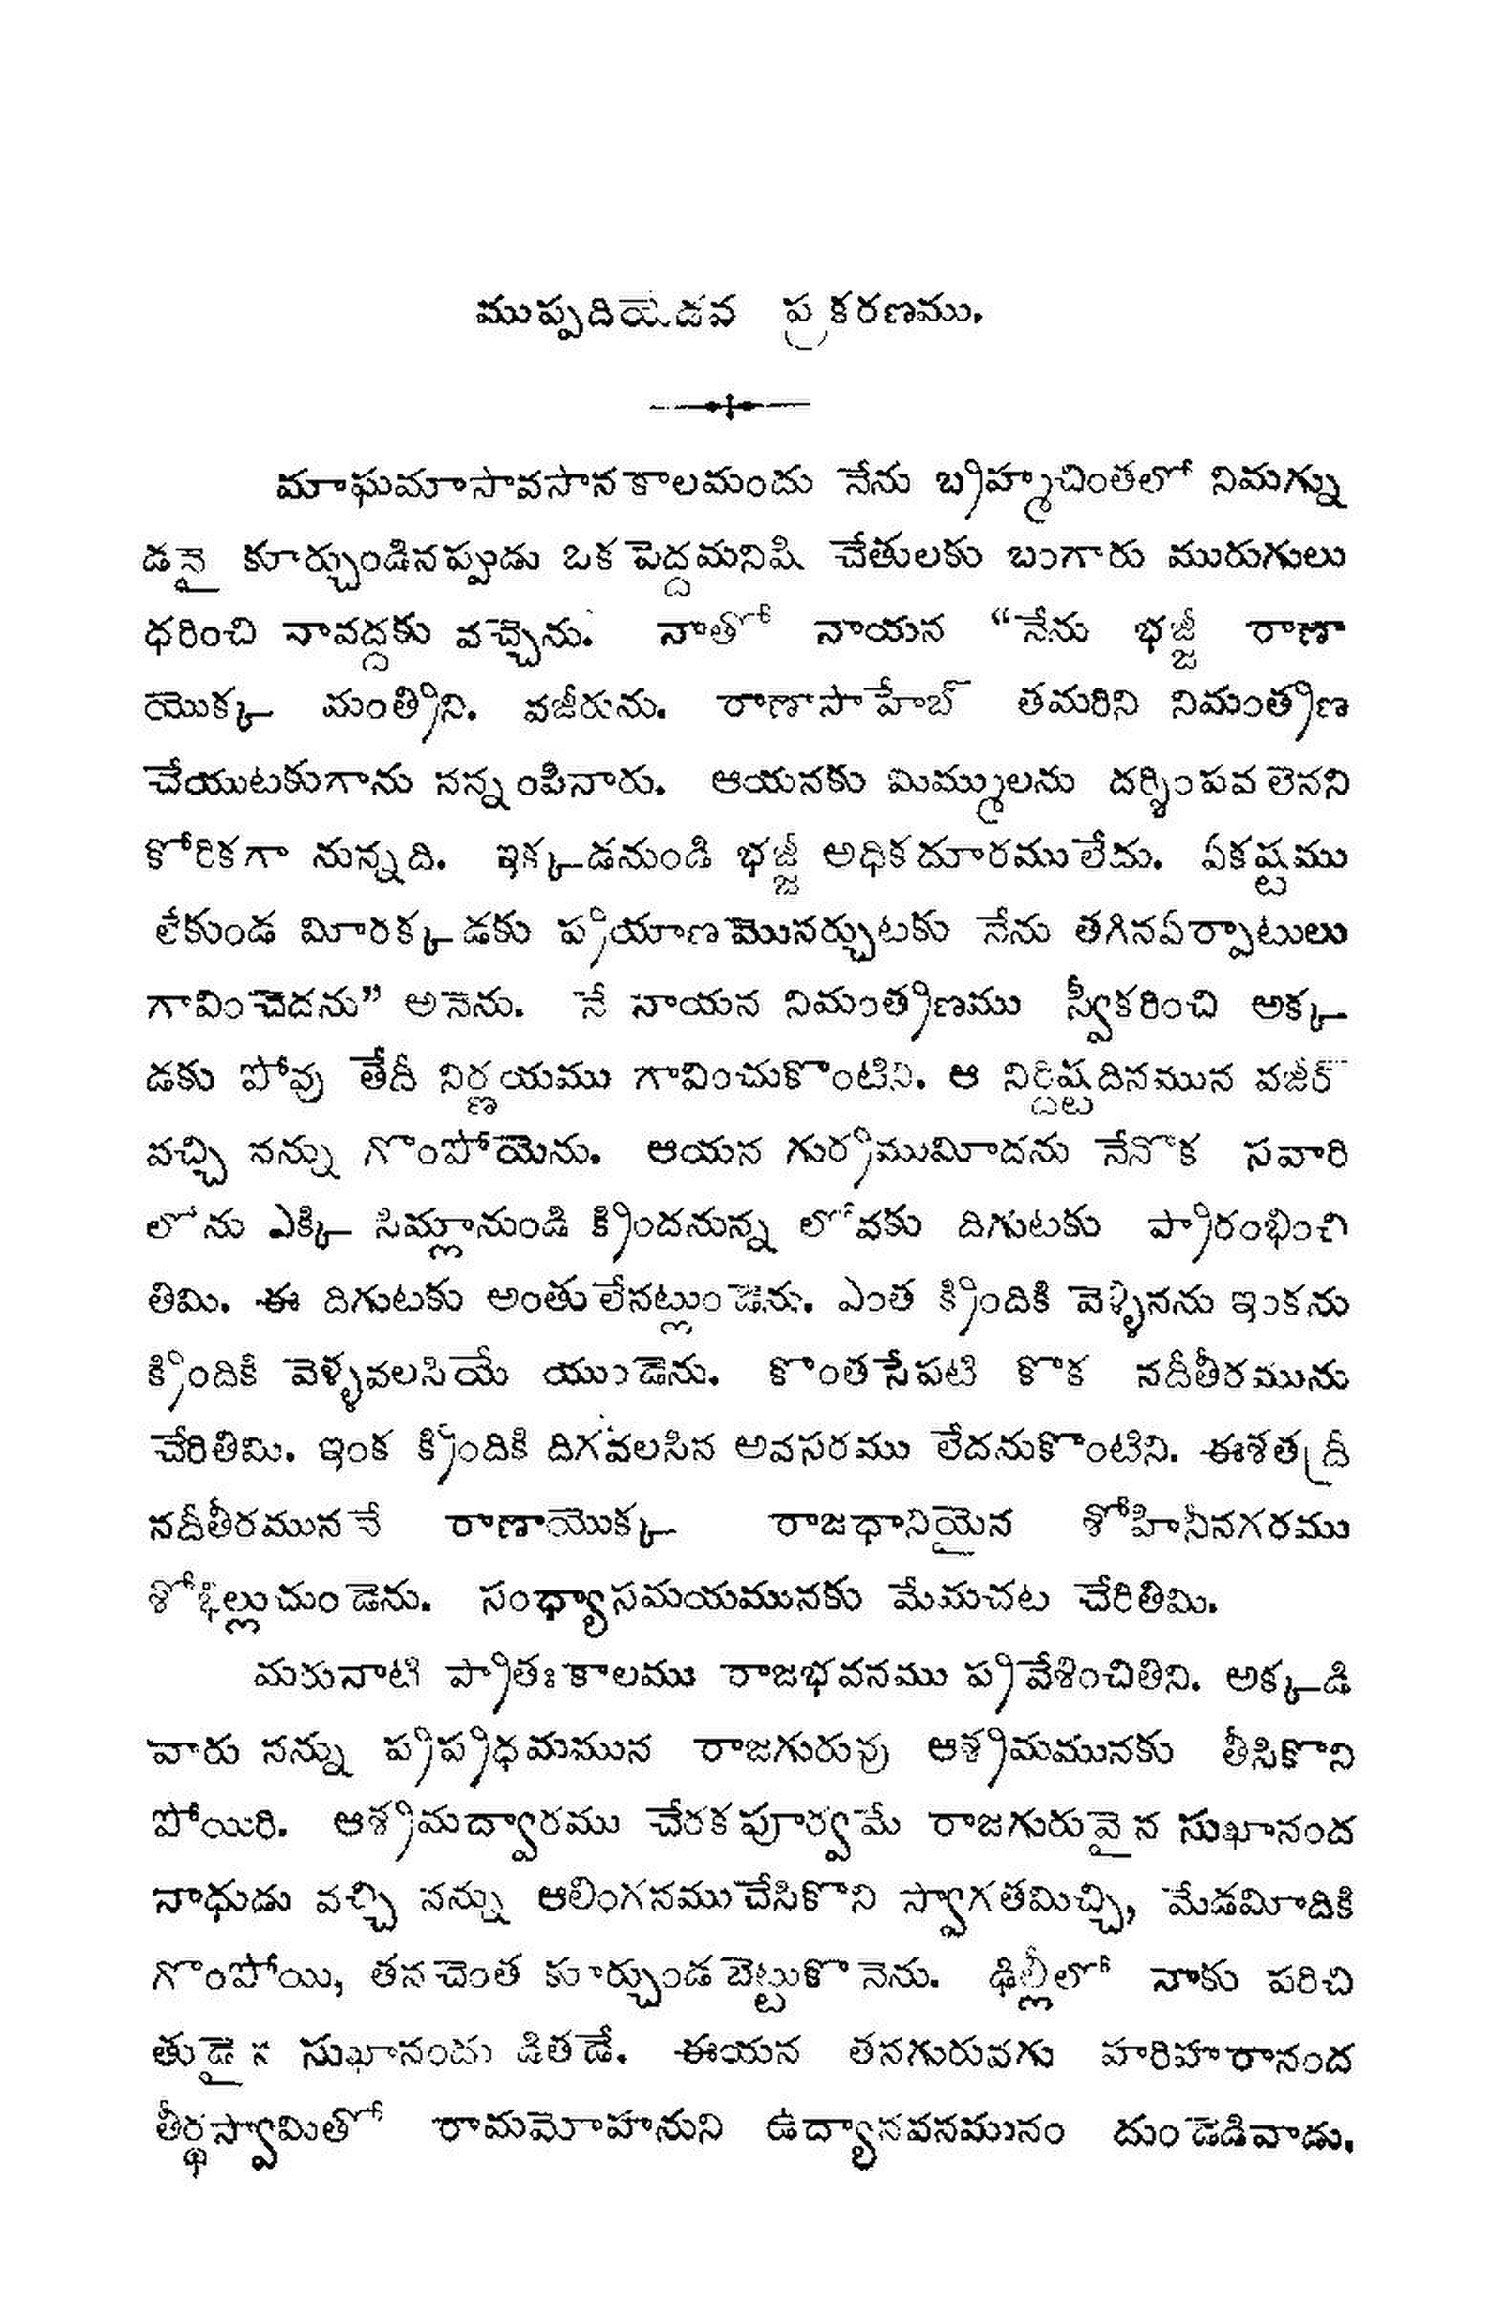మాఘమాసావసాన కాలమందు నేను బాహ్మచింతలో నిమగ్నుడనై 
కూర్చుండినప్పుడు ఒక పెద్దమనిషి చేతులకు బుగారు మురుగులు
ధరించి నావద్దకు వచ్చిను. నాతో" నాయన “నేను భజ్జీ రాణా
యొక్క మంత్రిని. వజీరును. రాణా సాహేబ్ తమరిని నిమంత్రణ
చేయుటకుగాను సన్నంపినారు. ఆయనకు మిమ్ములను దర్శింపవలెనని
కోరిక గా నున్నది. ఇక్కడనుండి భజ్జీ అధిక దూరము లేదు. ఏకష్టము
లేకుండ మీరక్కడకు ప్రయాణ మొనర్చుటకు నేను తగిన ఏర్పాటులు
గావించెదను” అనెను. నే నాయన నియంత్రణము స్వీకరించి అక్క
డకు పోవు తేదీ నిర్ణయము గావించు కొంటిని. ఆ నిర్దిష్ట దినమున వజీర్"
వచ్చి నన్ను గొంపోయెను. ఆయన గుర్రముమీదను నేనొక సవారి
లోను ఎక్కి సిమ్లా నుండి క్రిందనున్న లోవకు దిగుటకు ప్రారంభించి
తిమి. ఈ దిగుటకు అంతు లేనట్లుండెను. ఎంత కిందికి వెళ్ళినను ఇకను
కిందికి వెళ్ళవలసియే యు౦డెను. కొంత సేపటి కొక నదీ తీరమును
చేరితిమి. ఇంక కిందికి దిగవలసిన అవసరము లేదనుకొంటిని. ఈశతద్రీ
నదీతీరముననే రాణాయొక్క రాజధానియైన శోహినీనగరము
శోల్లు చుండెను. సంధ్యా సమయమునకు మేమచట చేరితిమి.
మరునాటి ప్రాతః కాలము రాజభవనము ప్రవేశించితిని. అక్కడి
వారు నన్ను ప్రప్రధమమున రాజగురువు ఆశ్రమమునకు తీసికొని
పోయిరి. ఆశ్రమద్వారము చేరక పూర్వమే రాజగురువైన సుఖానంద
నాధుడు వచ్చి నన్ను ఆలింగనము చేసికొని స్వాగ తమిచ్చి, 'మేడమీదికి
గొంపోయి, తన చెంత కూర్చుండ బెట్టుకొనెను. ఢిల్లీలో నాకు పరిచి
తుడైన సుఖానందు డిత డే, ఈయన తనగురువగు హరిహరానంద
తీర్థ స్వామిలో రామమోహనుని ఉద్యానవని వనమునం దుం డెడివాడు,